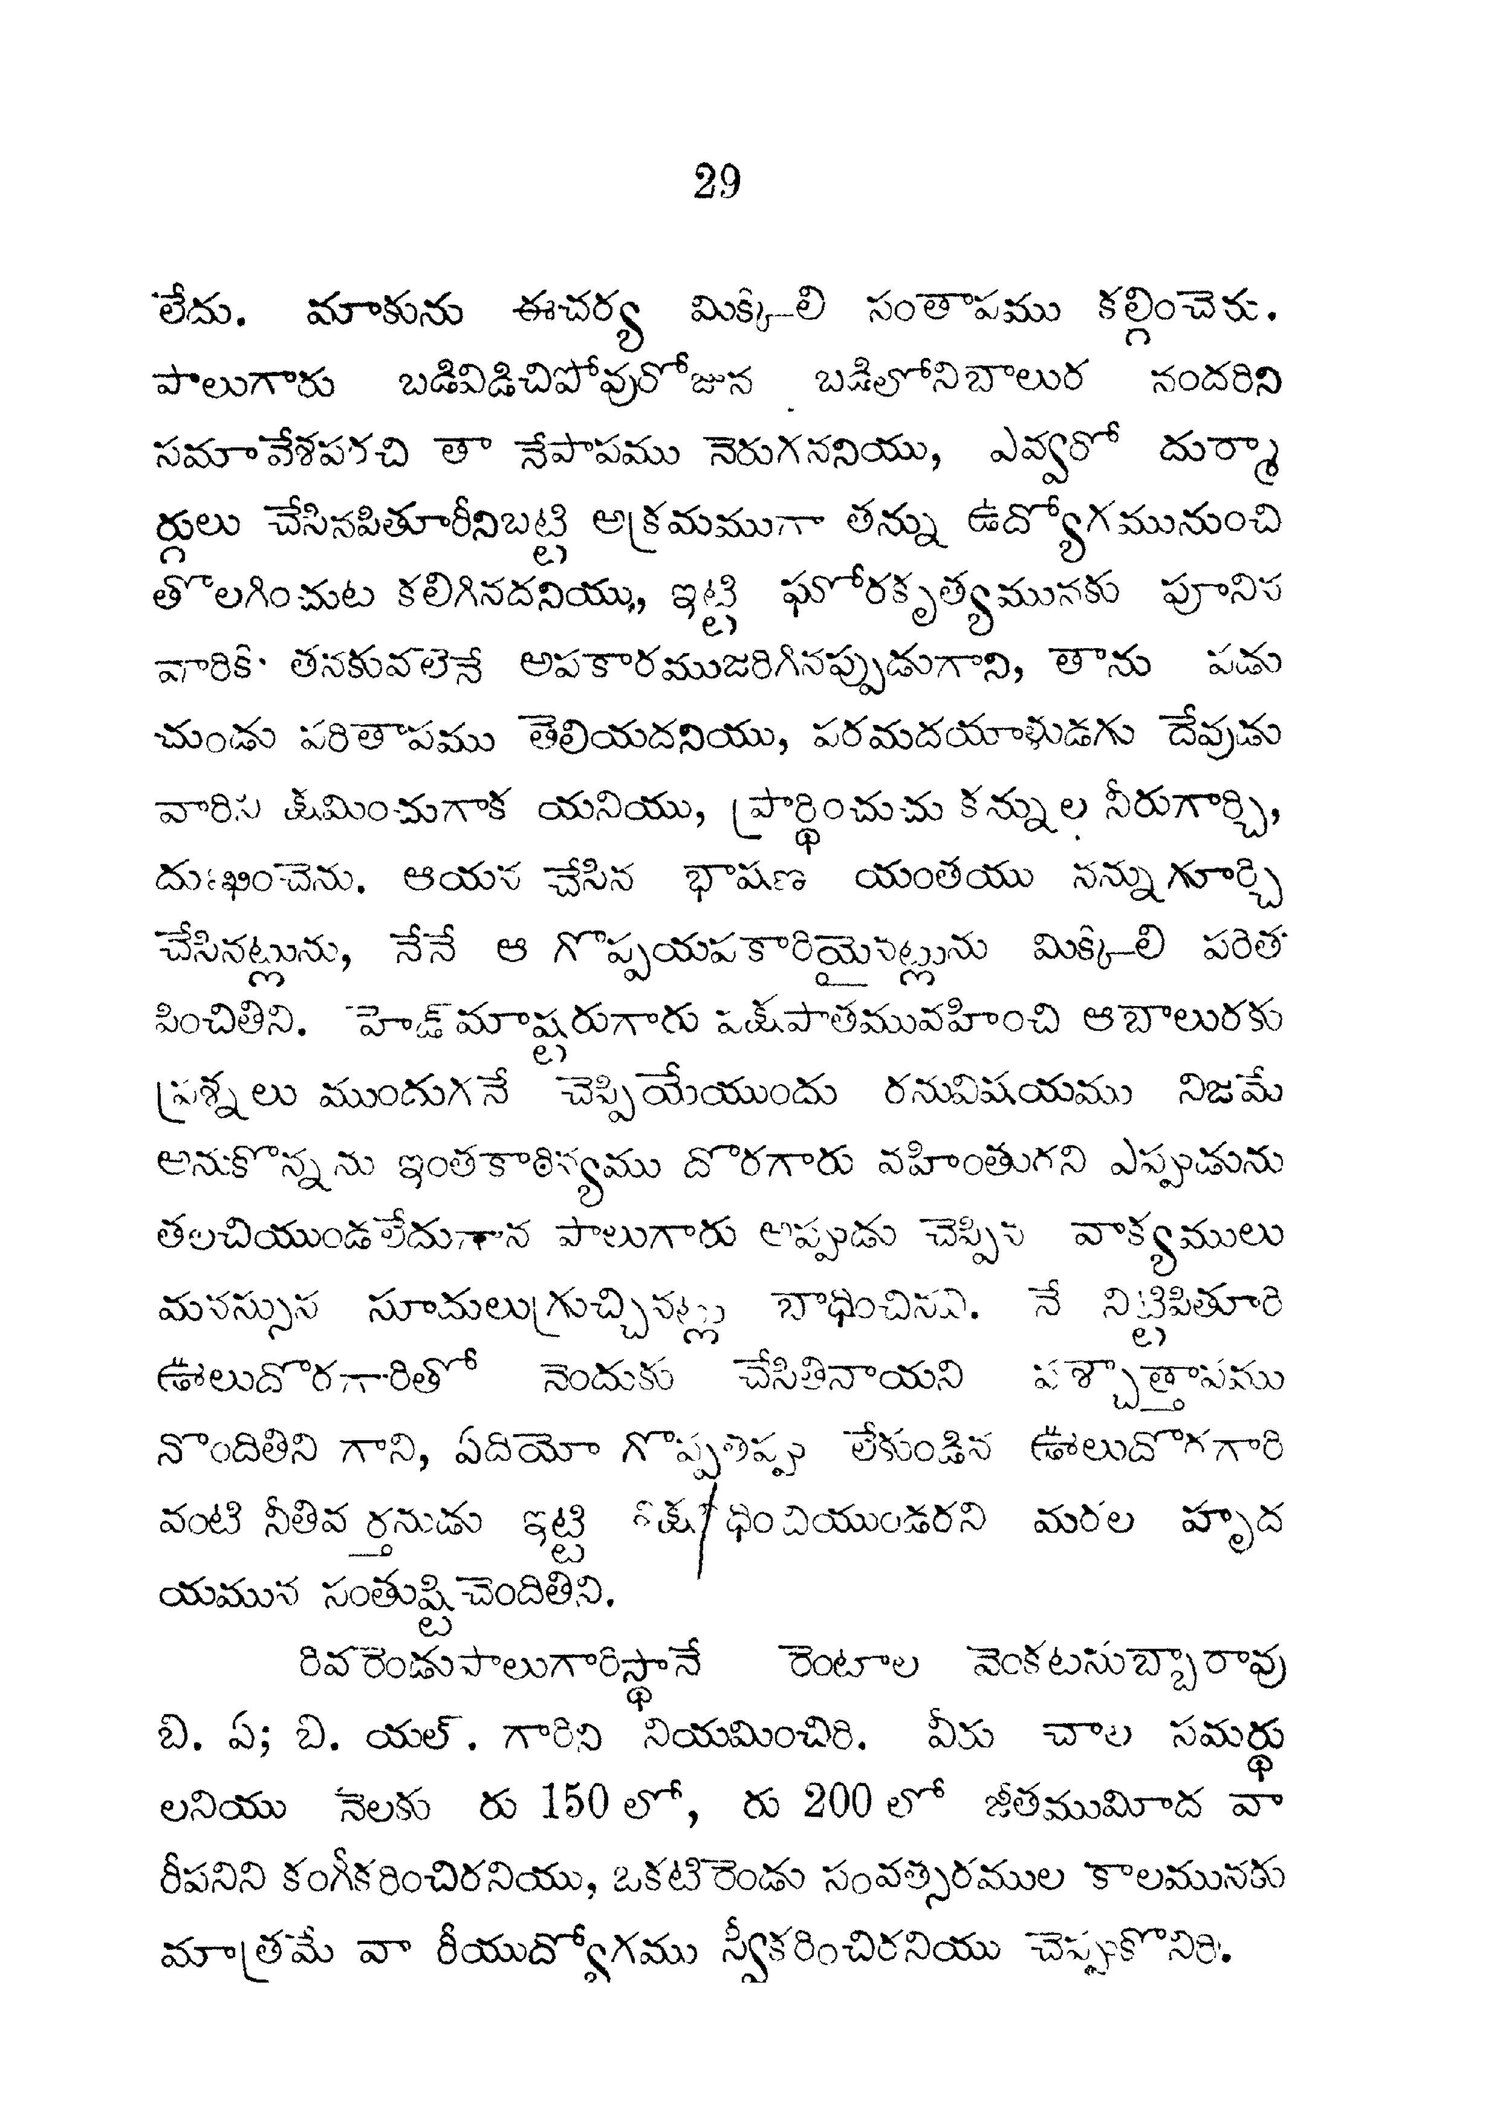లేదు. మాకును ఈచర్య మిక్కిలి సంతాపము కల్గించెను. పాలుగారు బడివిడిచిపోవురోజున బడిలోనిబాలుర నందరిని సమావేశపరచి తా నేపాపము నెరుగననియు, ఎవ్వరో దుర్మార్గులు చేసినపితూరీనిబట్టి అక్రమముగా తన్ను ఉద్యోగమునుంచి తొలగించుట కలిగినదనియు, ఇట్టి ఘోరకృత్యమునకు పూనిన వారికి తనకువలెనే అపకారముజరిగినప్పుడుగాని, తాను పడుచుండు పరితాపము తెలియదనియు, పరమదయాళుడగు దేవుడు వారిని క్షమించుగాక యనియు, ప్రార్థించుచు కన్నుల నీరుగార్చి, దు:ఖించెను. ఆయన చేసిన భాషణ యంతయు నన్నుగూర్చి చేసినట్లును, నేనే ఆ గొప్పయపకారియైనట్లును మిక్కిలి పరితపించితిని. హెడ్‌మాష్టరుగారు పక్షపాతము వహించి ఆబాలురకు ప్రశ్నలు ముందుగనే చెప్పియేయుందు రనువిషయము నిజమే అనుకొన్నను ఇంతకాఠిన్యము దొరగారు వహింతురని ఎప్పుడును తలచియుండలేదుగాన పాలుగారు అప్పుడు చెప్పిన వాక్యములు మనస్సున సూదులుగ్రుచ్చినట్లు బాధించినవి. నే నిట్టిపితూరి ఊలుదొరగారితో నెందుకు చేసితినాయని పశ్చాత్తాపము నొందితిని గాని, ఏదియో గొప్పతప్పు లేకుండిన ఊలుదొరగారివంటి నీతివర్తనుడు ఇట్టి శిక్షవిధించియుండరని మరల హృదయమున సంతుష్టిచెందితిని.

రివరెండుపాలుగారిస్థానే రెంటాల వెంకటసుబ్బారావు బి. ఏ. బి. యల్. గారిని నియమించిరి. వీరు చాల సమర్థులనియు నెలకు రు 150లో, రు 200 లో జీతముమీద వారీపనిని కంగీకరించిరనియు, ఒకటిరెండు సంవత్సరముల కాలమునకు మాత్రమే వా రీయుద్యోగము స్వీకరించిరనియు చెప్పుకొనిరి.